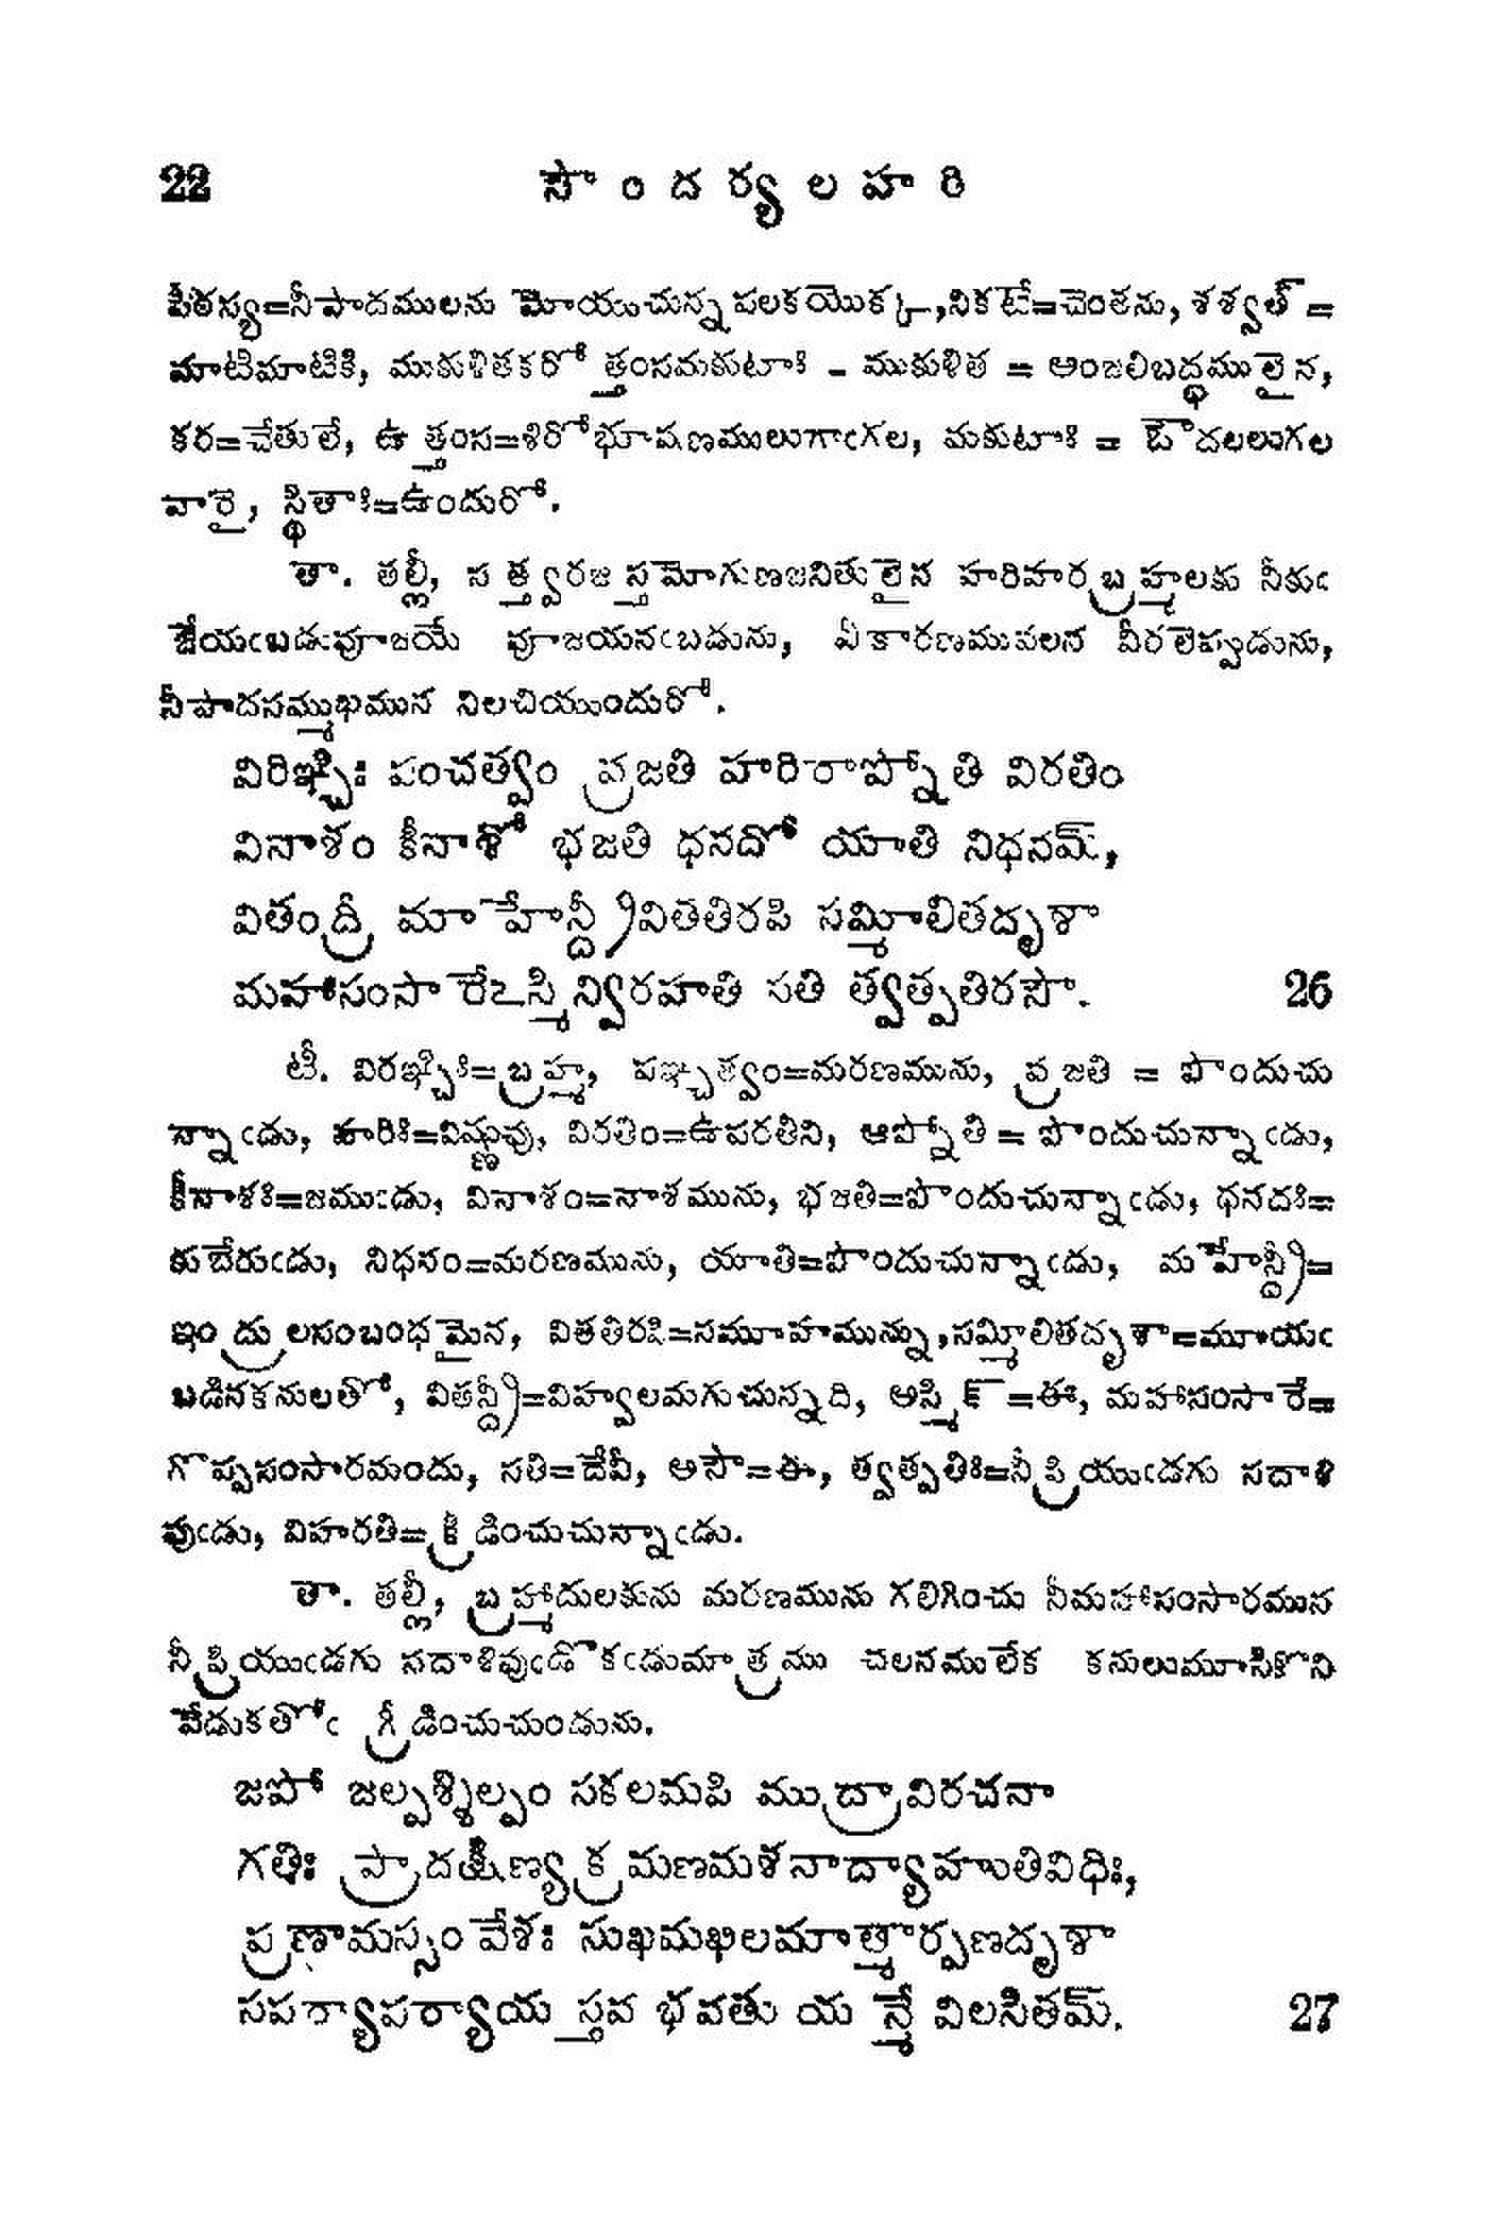పీఠస్య = నీపాదములను మోయుచున్నపలకయొక్క, నికటే = చెంతను, శశ్వత్ =మాటిమాటికి, ముకుళితకరోత్తంసమకుటాః-ముకుళిత = అంజలిబద్ధములైన, కర = చేతులే, ఉత్తంస = శిరోభూషణములుగాఁగల, మకుటాః = ఔదలలుగలవారై, స్థితాః = ఉందురో.

తా. తల్లీ, సత్త్వరజస్తమోగుణజనితులైన హరిహరబ్రహ్మలకు నీకుఁ జేయఁబడుపూజయే పూజయనఁబడును, ఏకారణమువలన వీరలెప్పుడును, నీపాదసమ్ముఖమున నిలచియుందురో.

విరిఞ్చిః పంచత్వం ప్రజతి హరిరాప్నోతి విరతిం
వినాశం కీనాశో భజతి ధనదో యాతి నిధనమ్,
వితంద్రీ మాహేన్ద్రీవితతిరపి సమ్మీలితదృశా
మహాసంసారే౽స్మిన్విరహతి సతి త్వత్పతిరసౌ. 26
టీ. విరఞ్చిః = బ్రహ్మ, పఞ్చత్వం = మరణమును, వ్రజతి = పొందుచున్నాఁడు, హరిః = విష్ణువు, విరతిం = ఉపరతిని, ఆప్నోతి = పొందుచున్నాఁడు, కీనాశః = జముఁడు, వినాశం = నాశమును, భజతి = పొందుచున్నాఁడు, ధనదః = కుబేరుఁడు, నిధనం = మరణమును, యాతి = పొందుచున్నాఁడు, మహేన్ద్రీ = ఇంద్రులసంబంధమైన, వితతిరపి = సమూహమున్ను, సమ్మీలితదృశా = మూయఁబడినకనులతో, వితన్ద్రీ = విహ్వలమగుచున్నది, అస్మి౯ = ఈ, మహాసంసారే = గొప్పసంసారమందు, సతి = దేవీ, అసౌ = ఈ, త్వత్పతిః = నీప్రియుఁడగు సదాశివుఁడు, విహరతి = క్రీడించుచున్నాఁడు.

తా. తల్లీ, బ్రహ్మాదులకును మరణమును గలిగించు నీమహాసంసారమున నీప్రియుఁడగు సదాశివుఁడొకఁడుమాత్రము చలనములేక కనులుమూసికొని వేడుకతోఁ గ్రీడించుచుండును.

జపో జల్పశ్శిల్పం సకలమపి ముద్రావిరచనా
గతిః ప్రాదక్షిణ్యక్రమణమశనాద్యాహుతివిధిః,
ప్రణామస్సంవేశః సుఖమఖిలమాత్మార్పణదృశా
సపర్యాపర్యాయస్తవ భవతు యన్మే విలసితం. 27